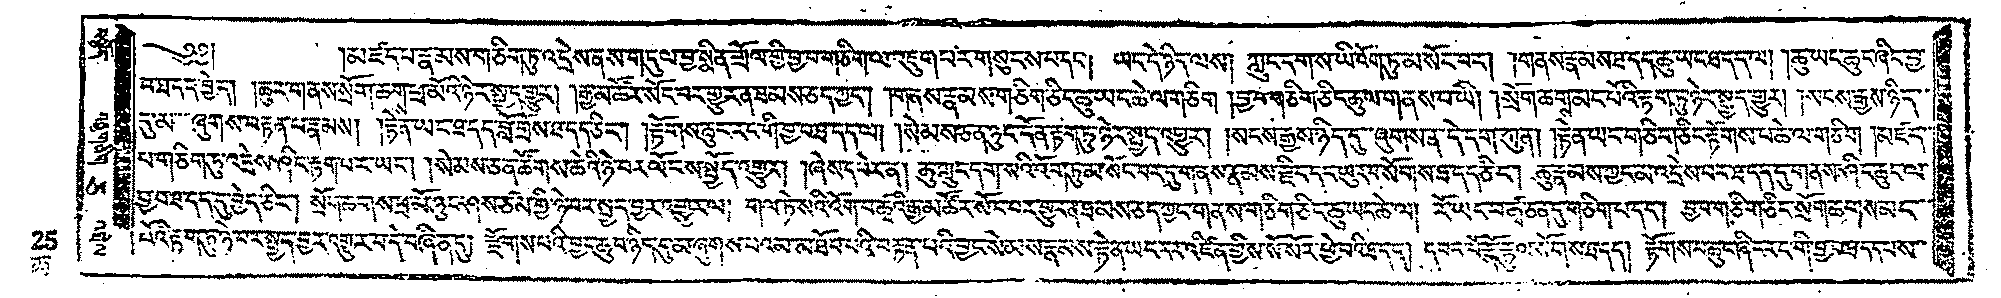༄༅། །མཛད་པ་རྣམས་གཅིག་ཏུ་འདྲེས་ནས་གདུལ་བྱ་སྨིན་གྲོལ་གྱི་བྱ་བ་གཅིག་ལ་འཇུག་པར་གསུངས་པ་དང་། ཡང་དེ་ཉིད་ལས། ཀླུང་དག་ས་ཡི་འོག་ཏུ་མ་སོང་བར། །གནས་རྣམས་ཐ་དད་ཆུ་ཡང་ཐ་དད་ལ། །ཆུ་ཡང་ཆུང་ཞིང་བྱ་
བ་ཐ་དད་བྱེད། །ཆུར་གནས་སྲོག་ཆགས་ཕྲ་མོའི་ཉེར་སྤྱད་གྱུར། །རྒྱ་མཚོར་སོང་བར་གྱུར་ན་ཐམས་ཅད་ཀྱང་། །གནས་རྣམས་གཅིག་ཅིང་ཆུ་ཡང་ཆེ་ལ་གཅིག །བྱ་བ་གཅིག་ཅིང་ཆུ་ལ་གནས་པ་ཡི། །སྲོག་ཆགས་མང་པོའི་རྟག་ཏུ་ཉེར་སྤྱད་གྱུར། །སངས་རྒྱས་ཉིད་
དུ་མ་ཞུགས་བརྟན་པ་རྣམས། །རྟེན་ཡང་ཐ་དད་བློ་གྲོས་ཐ་དད་ཅིང་། །རྟོགས་ཆུང་རང་གི་བྱ་བ་ཐ་དད་ལ། །སེམས་ཅན་ཉུང་དོན་རྟག་ཏུ་ཉེར་སྤྱད་འགྱུར། །སངས་རྒྱས་ཉིད་དུ་ཞུགས་ན་དེ་དག་ཀུན། །རྟེན་ཡང་གཅིག་ཅིང་རྟོགས་པ་ཆེ་ལ་གཅིག །མཛད་
པ་གཅིག་ཏུ་འདྲེས་ཤིང་རྟག་པར་ཡང་། །སེམས་ཅན་ཚོགས་ཆེའི་ཉེ་བར་ལོངས་སྤྱོད་འགྱུར། །ཞེས་དཔེར་ན། ཆུ་ཀླུང་དག་སའི་འོག་ཏུ་མ་སོང་བར་དུ་གནས་རྣམས་རྫིང་དང་ཡུར་བ་སོགས་ཐ་དད་ཅིང་། ཆུ་རྣམས་ཀྱང་མ་འདྲེས་པར་ཐ་དད་དུ་གནས་ཤིང་ཆུང་ལ་
བྱ་བ་ཐ་དད་དུ་བྱེད་ཅིང་། སྲོག་ཆགས་ཕྲ་མོ་ཉུང་ཤས་ཙམ་གྱི་ཉེ་བར་སྤྱད་བྱར་འགྱུར་ལ། གལ་ཏེ་སའི་འོག་བ་ཚྭའི་རྒྱ་མཚོར་སོང་བར་གྱུར་ན་ཐམས་ཅད་ཀྱང་གནས་གཅིག་ཅིང་ཆུ་ཡང་ཆེ་ལ། རོ་ཡང་བ་ཚྭ་ཅན་དུ་གཅིག་པ་དང་། བྱ་བ་གཅིག་ཅིང་སྲོག་ཆགས་མང་
པོའི་རྟག་ཏུ་ཉེ་བར་སྤྱད་བྱར་འགྱུར་བ་དེ་བཞིན་དུ། རྫོགས་པའི་བྱང་ཆུབ་ཉིད་དུ་མ་ཞུགས་པའམ་མ་ཐོབ་པའི་བརྟན་པའི་བྱང་སེམས་རྣམས་རྟེན་ཡང་ངར་འཛིན་གྱིས་སོ་སོར་ཕྱེ་བའི་ཐ་དད། དབང་པོ་རྣོ་རྟུལ་སོགས་ཐ་དད། རྟོགས་པ་ཆུང་ཞིང་རང་གི་བྱ་བ་ཐ་དད་པས་